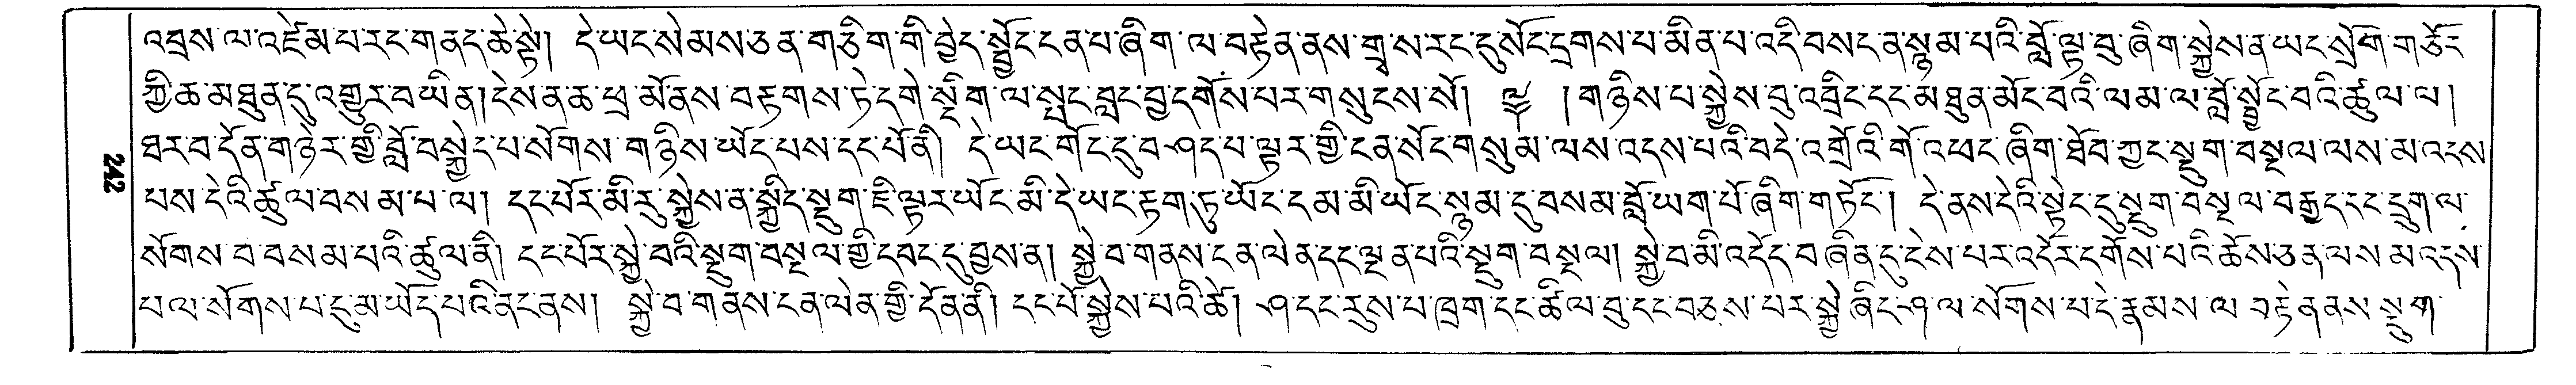འབྲས་ལ་འཛེམ་པ་རང་གནད་ཆེ་སྟེ། དེ་ཡང་སེམས་ཅན་གཅིག་གི་བྱེད་སྤྱོད་ངན་བ་ཞིག་ལ་བརྟེན་ནས་གྲྭ་ས་རང་དུ་སོང་དྲགས་པ་མིན་པ་འདི་བསད་ན་སྙམ་པའི་བློ་ལྟ་བུ་ཞིག་སྐྱེས་ན་ཡང་སྲོག་གཅོད་
ཀྱི་ཆ་མཐུན་དུ་འགྱུར་བ་ཡིན། དེས་ན་ཆ་ཕྲ་མོ་ནས་བརྟགས་ཏེ་དགེ་སྡིག་ལ་སྤང་བླང་བྱ་དགོས་པར་གསུངས་སོ། ༈ །གཉིས་པ་སྐྱེས་བུ་འབྲིང་ངང་མཐུན་མོང་བའི་ལམ་ལ་བློ་སྦྱོང་བའི་ཚུལ་ལ།
ཐར་པ་དོན་གཉེར་གྱི་བློ་བསྐྱེད་པ་སོགས་གཉིས་ཡོད་པས་དང་པོ་ནི། དེ་ཡང་གོང་དུ་བཤད་པ་ལྟར་གྱི་ངན་སོང་གསུམ་ལས་འདས་པའི་བདེ་འགྲོའི་གོ་འཕང་ཞིག་ཐོབ་ཀྱང་སྡུག་བསྔལ་ལས་མ་འདས་
པས་དེའི་ཚུལ་བསམ་པ་ལ། དང་པོར་མི་རུ་སྐྱེས་ན་སྐྱིད་སྡུག་ཇི་ལྟར་ཡོང་མི་དེ་ཡང་རྟག་ཏུ་ཡོད་དམ་མི་ཡོང་སྙམ་དུ་བསམ་བློ་ཡག་པོ་ཞིག་གཏོང་། དེ་ནས་དེའི་སྟེང་དུ་སྡུག་བསྔལ་བརྒྱད་དང་དྲུག་ལ་
སོགས་པ་བསམ་པའི་ཚུལ་ནི། དང་པོར་སྐྱེ་བའི་སྡུག་བསྔལ་ཀྱི་དབང་དུ་བྱས་ན། སྐྱེ་བ་གནས་ངན་ལེན་དང་ལྡན་པའི་སྡུག་བསྔལ། སྐྱེ་བ་མི་འདོད་བཞིན་དུ་ངེས་པར་འདོར་དགོས་པའི་ཆོས་ཅན་ལས་མ་འདས་
པ་ལ་སོགས་པ་དུ་མ་ཡོད་པའི་ནང་ནས། སྐྱེ་བ་གནས་ངན་ལེན་གྱི་དོན་ནི། དང་པོ་སྐྱེས་པའི་ཚེ། ཤ་དང་རུས་པ་ཁྲག་དང་ཚིལ་བུ་དང་བཅས་པར་སྐྱེ་ཞིང་ཤ་ལ་སོགས་པ་དེ་རྣམས་ལ་བརྟེན་ནས་སྡུག་